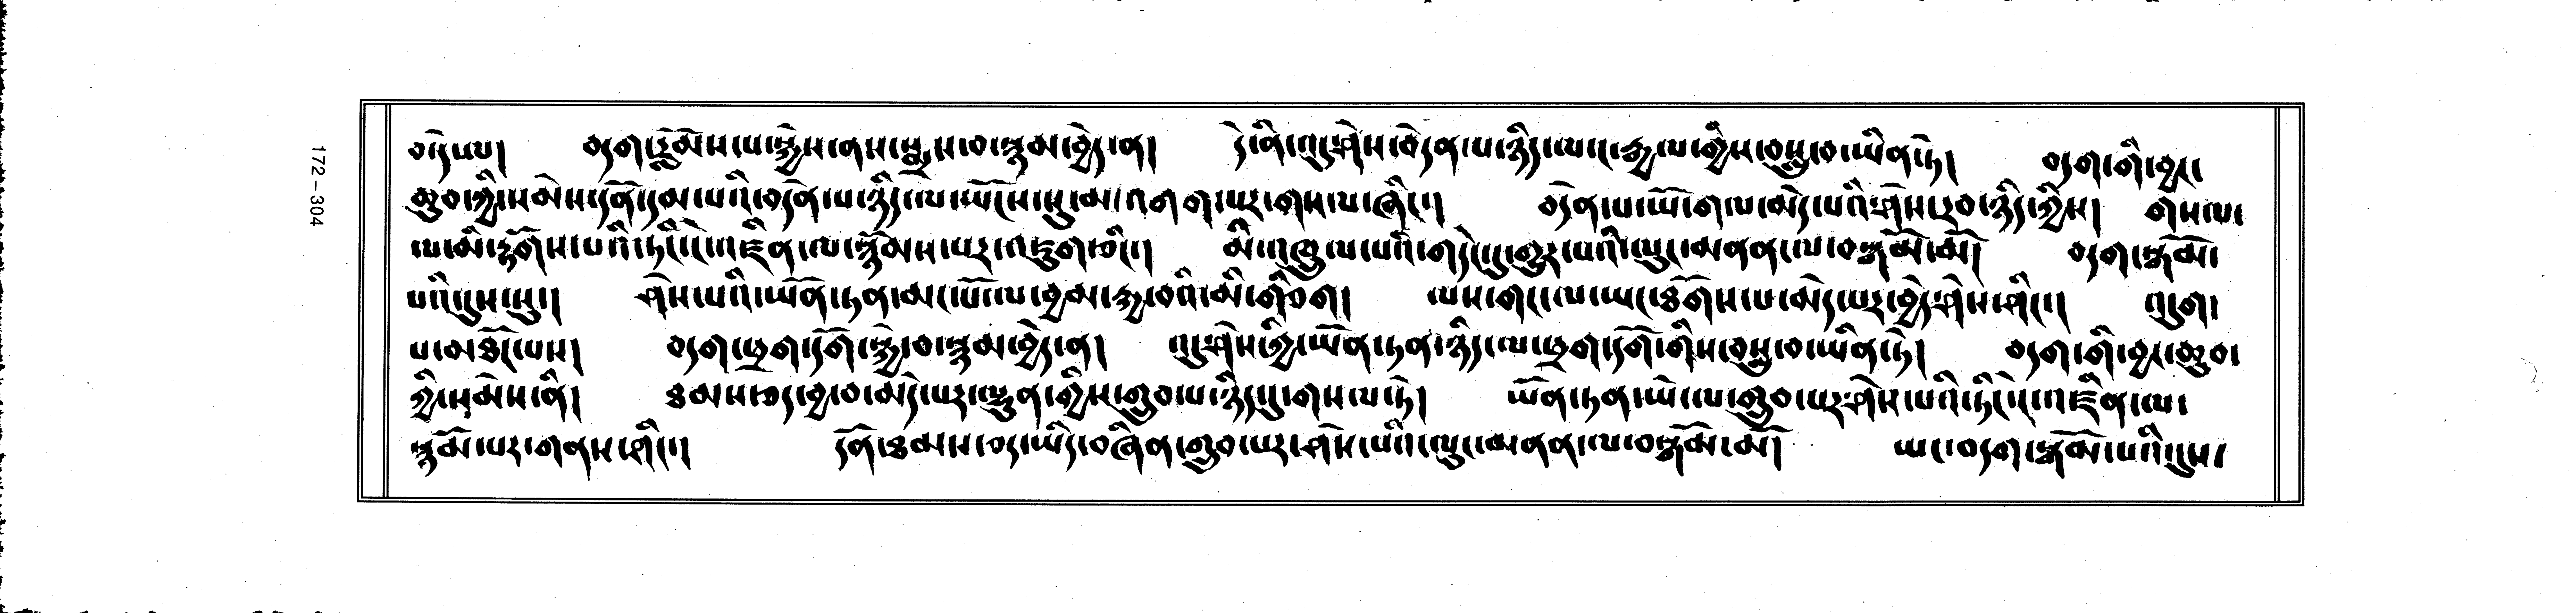བ་དེ་ལ། བདག་རློམས་པ་སྐྱེས་ནས་སྨྲས་བ་སྙམ་བྱེད་ན། དེ་ནི་འདུ་ཤེས་བདེན་པ་ཉིད་ལ་ང་རྒྱལ་གྱིས་བསླུ་བ་ཡིན་ཏེ། བདག་གི་བྱང་
ཆུབ་ཀྱི་སེམས་དོན་དམ་པའི་བདེན་པ་ཉིད་ལ་ཡོངས་སུ་མ་འགག་པར་གསལ་ཞིང་། བདེན་པ་ཡོ་གལ་མེད་པའི་ཤེས་རབ་ཉིད་ཀྱིས། གསལ་
ལ་མི་རྟོགས་པའི་ཏིང་ངེ་འཛིན་ལ་སྙོམས་པར་འཇུག་ཅིང་། མི་འཁྲུལ་པའི་གདེང་དུ་གྱུར་པའི་ལུང་མནན་ལ་བསྒོམ་མོ། བདག་སྒོམ་
པའི་དུས་སུ། ཤེས་པའི་ཡོན་ཏན་མང་པོ་ལ་བྱམ་རྐྱ་༼༽བའི་མི་གཅིག ལས་གང་ལ་ཡང་ཐོགས་པ་མེད་པར་བྱེད་ཤེས་ཤིང་། འདུག་
པ་མཐོང་པས། བདག་ཕྲག་དོགས་སྐྱེ་བ་སྙམ་བྱེད་ན། འདུ་ཤེས་ཀྱི་ཡོན་ཏན་ཉིད་ལ་ཕྲག་དོགས་གིས་བསླུ་བ་ཡིན་ཏེ། བདག་གི་བྱང་ཆུབ་
ཀྱིས་སེམས་ནི། ཐམས་ཅད་བྱ་བ་མེད་པར་ལྷུན་གྱིས་གྲུབ་པ་ཉིད་དུ་གསལ་ཏེ། ཡོན་ཏན་ཡེ་ལ་གྲུབ་པར་ཤེས་པའི་ཏིང་ངེ་འཛིན་ལ་
སྙོམས་པར་གནས་ཤིང་། དོན་ཐམས་ཅད་ཡིད་བཞིན་གྲུབ་པར་ཤེས་པའི་ལུང་མནན་ལ་བསྒོམ་མོ། ཡང་བདག་སྒོམ་པའི་དུས་